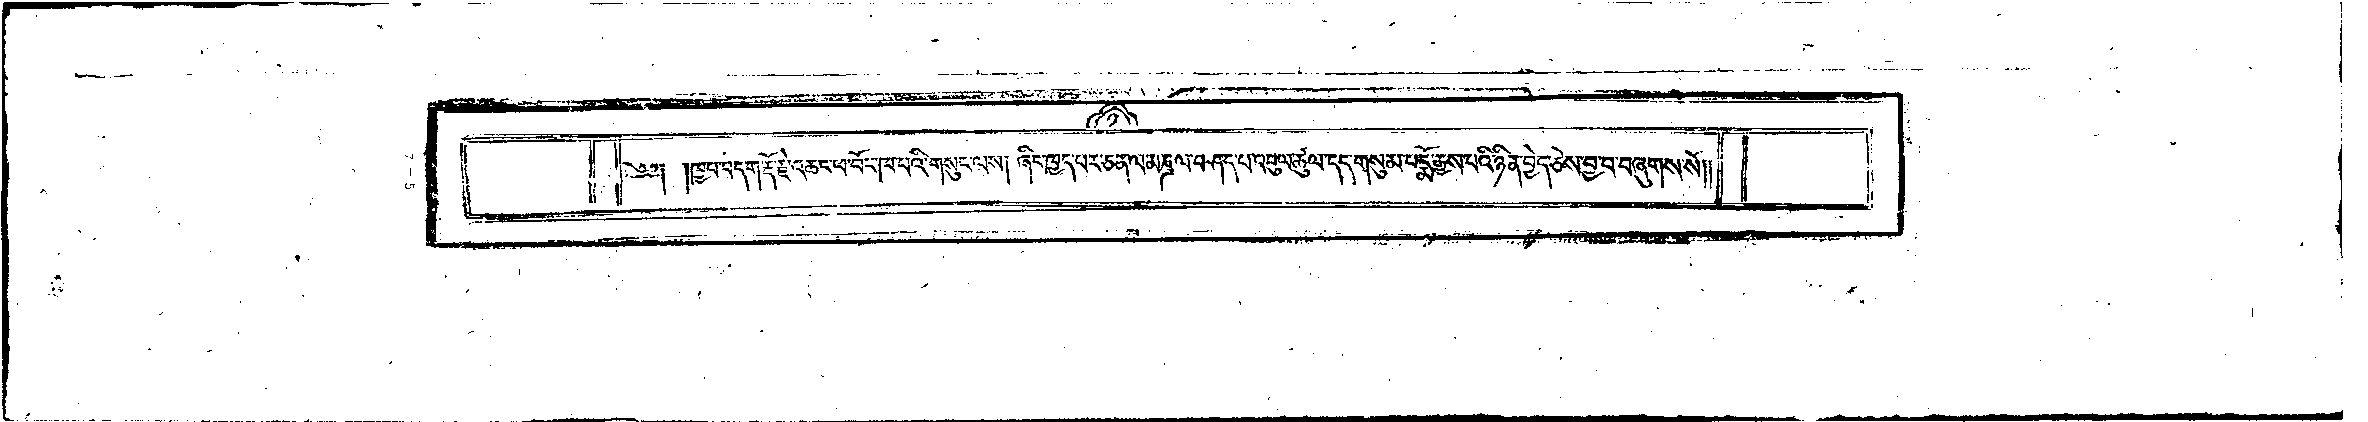༄༅། །ཁྱབ་བདག་རྡོ་རྗེ་འཆང་ཕ་བོང་ཁ་པའི་གསུང་ལས། ཞིང་ཁྱད་པར་ཅན་ལ་མཎྜལ་བཤད་པ་འབུལ་ཚུལ་དད་གསུམ་པདམོ་རྒྱས་པའི་ཉིན་བྱེད་ཅེས་བྱ་བ་བཞུགས་སོ།།